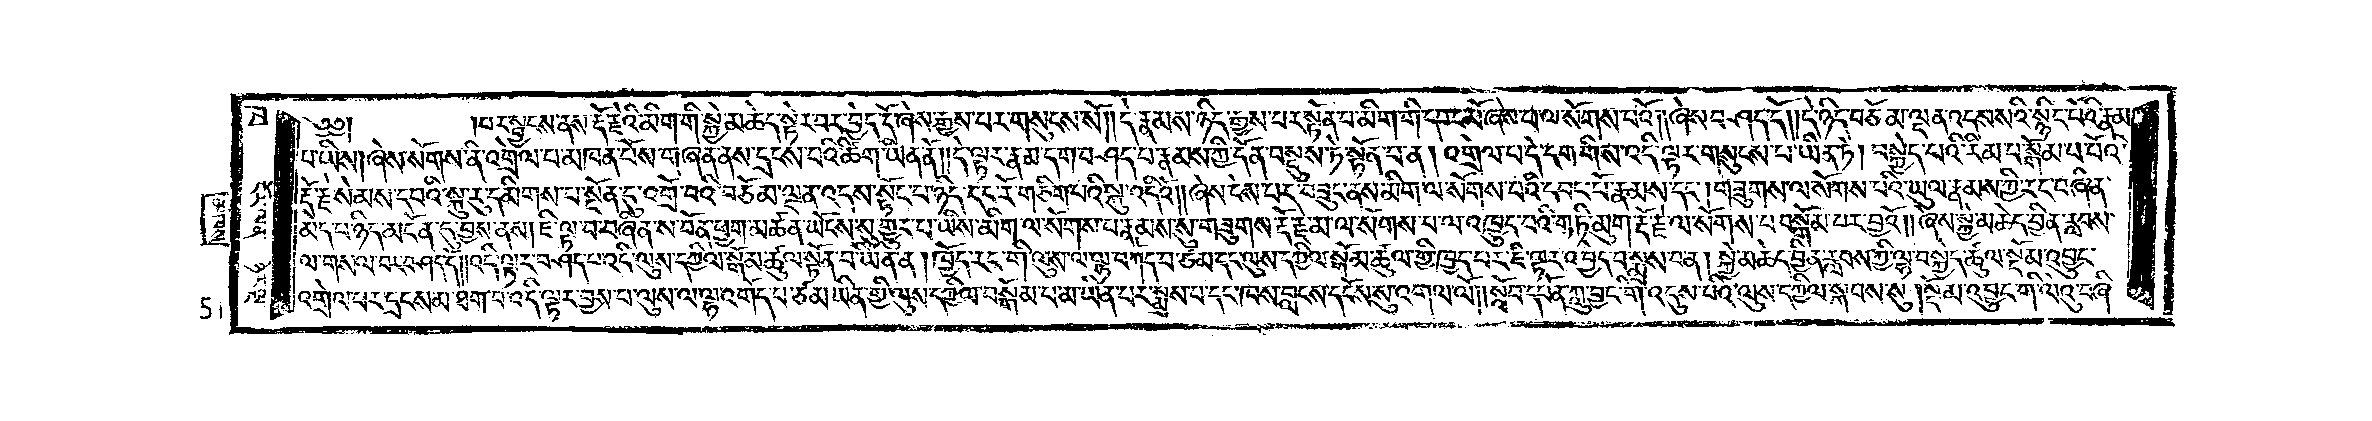༄༅། །པར་སྦྱངས་ནས་རྡོ་རྗེའི་མིག་གི་སྐྱེ་མཆེད་སྟེར་བར་བྱེད་དོ་ཞེས་རྒྱས་པར་གསུངས་སོ། །དེ་རྣམས་ཉིད་རྒྱས་པར་སྟོན་པ་མིག་གི་དབང་མོ་ཞེས་པ་ལ་སོགས་པའོ། །ཞེས་བཤད་དོ། །དེ་ཉིད་བཅོམ་ལྡན་འདས་སའི་སྙིང་པོའི་རྣམ་
པ་ཡིས། ཞེས་སོགས་ནི་འགྲེལ་པ་མཁན་པོས་གཞན་ནས་དྲངས་པའི་ཚིག་ཡིན་ནོ། །དེ་ལྟར་རྣམ་དག་བཤད་པ་རྣམས་ཀྱི་དོན་བསྡུས་ཏེ་སྟོན་པ་ན། འགྲེལ་པ་དེ་དག་གིས་འདི་ལྟར་གསུངས་པ་ཡིན་ཏེ། བསྐྱེད་པའི་རིམ་པ་སྒོམ་པ་པོའི་
རྡོ་རྗེ་སེམས་དཔའི་སྐུ་རུ་དམིགས་པ་སྔོན་དུ་འགྲོ་བའི་བཅོམ་ལྡན་འདས་སྟོང་པ་ཉིད་དང་རོ་གཅིག་པའི་སྐུ་འདིའོ། །ཞེས་ངེས་པར་བཟུང་ནས་མིག་ལ་སོགས་པའི་དབང་པོ་རྣམས་དང་། གཟུགས་ལ་སོགས་པའི་ཡུལ་རྣམས་ཀྱི་རང་བཞིན་
མེད་པ་ཉིད་མངོན་དུ་བྱས་ནས། ཇི་ལྟ་བ་བཞིན་ས་བོན་ཕྱག་མཚན་ཡོངས་སུ་གྱུར་པ་ཡིས་མིག་ལ་སོགས་པ་རྣམས་སུ་གཟུགས་རྡོ་རྗེ་མ་ལ་སོགས་པ་ལ་འཁྱུད་པའི་གཏི་མིག་རྡོ་རྗེ་ལ་སོགས་པ་བསྒོམ་པར་བྱའོ། །ཞེས་སྐྱེ་མཆེད་བྱིན་རླབས་
ལ་གསལ་བར་བཤད་དོ། །འདི་ལྟར་བཤད་པ་འདི་ལུས་དཀྱིལ་སྒོམ་ཚུལ་སྟོན་པ་ཡིན་ན། ཁྱོད་རང་གི་ལུས་ལ་ལྷ་བཀོད་པ་ཙམ་དང་ལུས་དཀྱིལ་སྒོམ་ཚུལ་གྱི་ཁྱད་པར་ཇི་ལྟར་འབྱེད་པ་སྨྲས་པ་ན། སྐྱེ་མཆེད་བྱིན་རླབས་ཀྱི་ལྷ་བསྐྱེད་ཚུལ་སྡོམ་འབྱུང་
འགྲེལ་པར་དྲངས་མ་ཐག་པ་འདི་ལྟར་བྱས་པ་ལུས་ལ་ལྷ་འགོད་པ་ཙམ་ཡིན་གྱི་ལུས་དཀྱིལ་བསྒོམ་པ་མ་ཡིན་པར་སྨྲས་པ་དང་ཁས་བླངས་དངོས་སུ་འགལ་ལོ། །སློབ་དཔོན་ཀླུ་བྱང་གི་འདུས་པའི་ལུས་དཀྱིལ་སྐབས་སུ། སྡོམ་འབྱུང་གི་ལེའུ་བཞི་